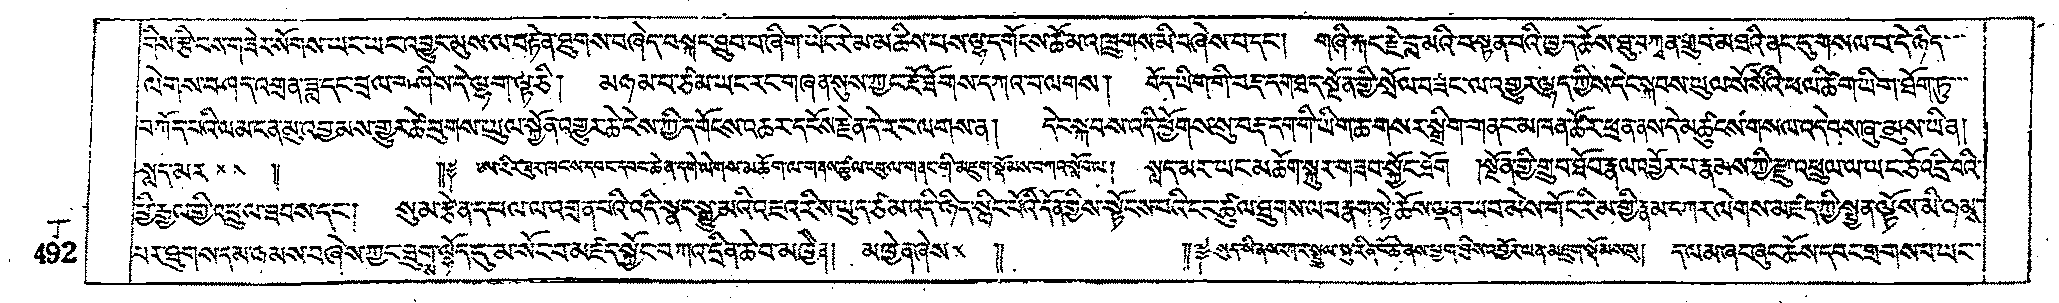གིས་རྩིབས་གཟེར་སོགས་ཡང་ཡང་འབྱུང་མུས་ལ་བརྟེན་ཐུགས་བཞེད་བསྐང་ཐུབ་པ་ཞིག་ཡོང་རེ་མ་མཆིས་པས་ལྷ་དགོངས་ཚོམ་འཁྲུགས་མི་བཞེས་པ་དང་། གཞི་རྐང་རྗེ་བླ་མའི་བསྟན་པའི་ཁྱད་ཆོས་ཐུ་བཀྭན་གྲུབ་མཐའི་ནང་དུ་གསལ་བ་དེ་ཉིད་་་
ལེགས་བཤད་འགྲན་ཟླ་དང་བྲལ་གཤིས་དེ་ལྷག་ལྟ་ཅི། མཉམ་པ་ཙམ་ཡང་རང་གཞན་སུས་ཀྱང་རྡོ་ཐོགས་དཀའ་བ་ལགས། བོད་ཡིག་གི་བརྡ་དག་ཐད་སྔོན་གྱི་སྲོལ་བཟང་ལ་འགྱུར་ལྷད་ཀྱིས་དེང་སྐབས་ཡུལ་སོ་སོའི་ཕལ་ཚིག་ཡིག་ཐོག་ཏུ་་་
བཀོད་པའི་ལམ་ངན་མུ་འབྱམས་གྱུར་ཚེ་ཕུགས་ཡུལ་སྐྱོན་འགྱུར་ཆེ་ངེས་ཀྱི་དགོངས་འཆར་དངོས་རྗེན་དེ་རང་ལགས་ན། དེང་སྐབས་འདི་ཕྱོགས་སུ་བརྡ་དག་གི་ཡིག་ཆ་གསར་སྒྲིག་གནང་མཁན་ཚོར་ཕྲན་ནས་དེ་མཚུངས་གསལ་འདེབས་ཞུ་མུས་ཡིན།
སླད་མར་྾་྾་།། །། འ་ཨ་རིར་ཟུར་ཁང་ས་དབང་དབང་ཆེན་དགེ་ལེགས་མཆོག་ལ་གནས་ཚུལ་འབུལ་གནང་གི་མཇུག་སྡོམས་བཀའ་སློབ་ལ།  སླད་མར་ཡང་མཆོག་སྐུར་གཟབ་སྐྱོང་ཐོག །སྔོན་གྱི་གྲུབ་ཐོབ་རྣལ་འབྱོར་པ་རྣམས་ཀྱི་རྫུ་འཕྲུལ་ལ་ཡང་ཅོ་འདྲི་བའི་
ཕྱི་རྒྱལ་གྱི་འཕྲུལ་ཐབས་དང་། སུམ་རྩེན་དཔལ་ལ་འགྲན་པའི་འདི་སྣང་སྒྱུ་མའི་འཇའ་རིས་ཡུད་ཙམ་འདི་ཉིད་སྙིང་པོའི་དོན་གྱིས་སྟོངས་པའི་ངང་ཚུལ་ཐུགས་ལ་བརྣག་སྟེ་ཆོས་ལྡན་ཡབ་མེས་གོང་རིམ་གྱི་རྣམ་དཀར་ལེགས་མཛད་ཀྱི་སྤྱན་ལྟོས་མི་ཉམས་
པར་ཐུགས་དམ་ཉམས་བཞེས་ཀྱང་ཐུགས་ལྷོད་དུ་མ་སོང་བ་མཛད་སྐྱོང་བཀའ་དྲིན་ཆེ་བ་མཁྱཻན། མཁྱེན་ཞེས་྾་།། །། འ་སུད་སི་ནས་རཀ་ར་སྤྲུལ་སྐུ་རིན་པོ་ཆེ་ནས་ཕྱག་བྲིས་འབྱོར་ལན་མཇུག་སྡོམས་སུ།  ད་ལམ་ཞང་ཞུང་ཆོས་དབང་གྲགས་པ་ཡང་་་